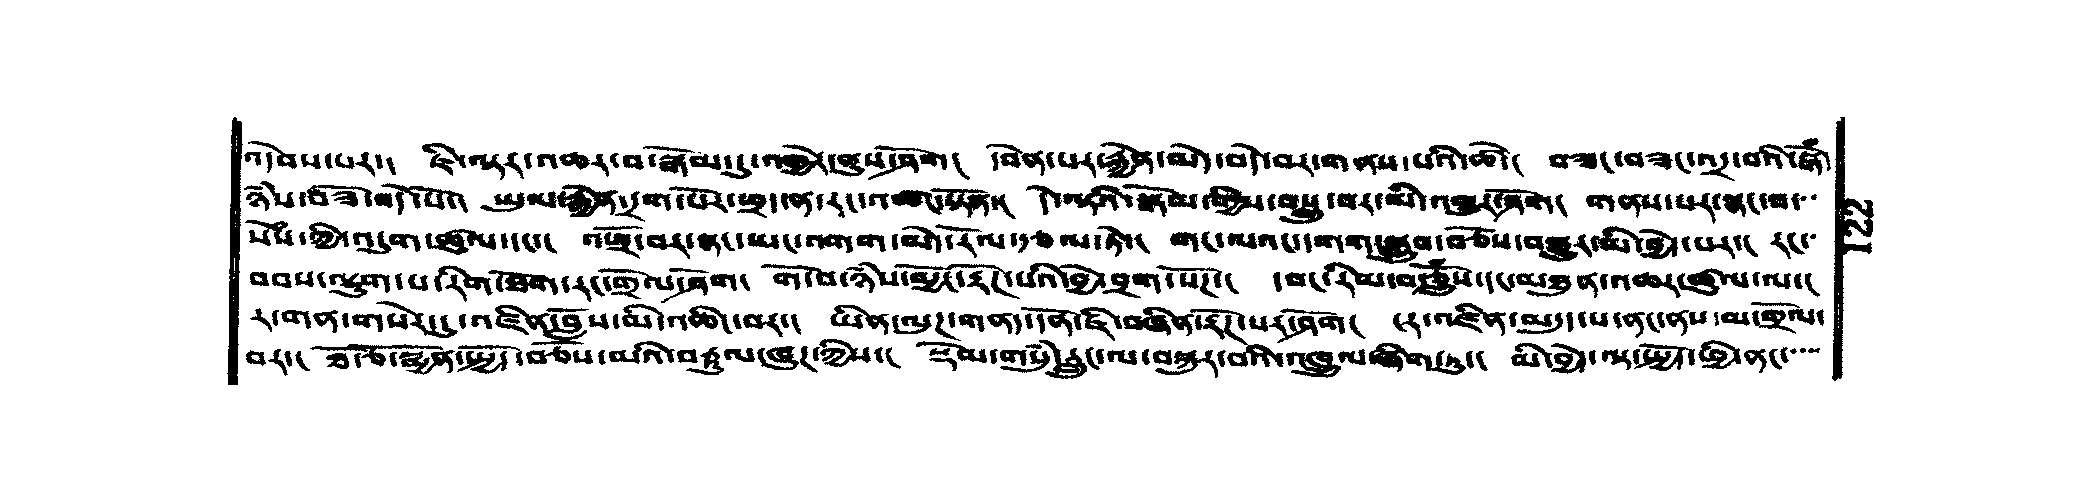འདེབས་པར་། །ཇི་ལྟར་འཆར་བ་སྒོམ་དུ་འཁྱེར་ནུས་ཤོག །དབེན་པར་རྐྱེན་མེད་བདེ་བར་གནས་པའི་ཚེ། །བཟང་བཟང་འདྲ་བའི་སྒོམ་
ཉམས་བཟོ་བདེ་པོ། །ཡུལ་རྐྱེན་དྲག་པོར་ཕྲད་ན་རང་འཚང་སྟོན། །དེ་ལྟའི་སྒོམ་གྱིས་བསྡུ་བར་མི་འགྱུར་ཤོག །གནས་པར་སྣང་བ་
སེམས་ཀྱི་འདུག་ཚུལ་དང་། །འཕྲོ་བར་སྣང་ཡང་འགག་མེད་རོལ་རྩལ་ཏེ། །གང་ལའང་དགག་སྒྲུབ་བཅོས་བསྒྱུར་མི་བྱེད་པར། །རང་
བབས་ལྷུག་པ་རིག་ཐོག་རང་གྲོལ་ཤོག །གོ་བ་ཉམས་མྱོང་རྟོགས་པའི་བྱེ་བྲག་སོགས། །དབང་རིམ་བརྩོན་འགྲུས་དང་མཐུན་འཆར་ཚུལ་ལ། །
ར་གན་གསེར་དུ་འཛིན་བློས་མི་འཆིང་བར། །ཡིན་ལུགས་གནས་དོན་ཇི་བཞིན་རྟོགས་པར་ཤོག །ངར་འཛིན་མདུད་པ་ནང་ནས་མ་གྲོལ་
བར། །ཐོ་ཅ་སྨྱོན་སྤྱོད་བཅོས་མའི་བརྟུལ་ཞུགས་ཀྱིས། །སྡོམ་གསུམ་རླུང་ལ་བསྐུར་བའི་འཁྲུལ་ཞིག་ཏུ། །མི་བྱེད་ལྟ་སྤྱོད་ཕྱི་ནང་